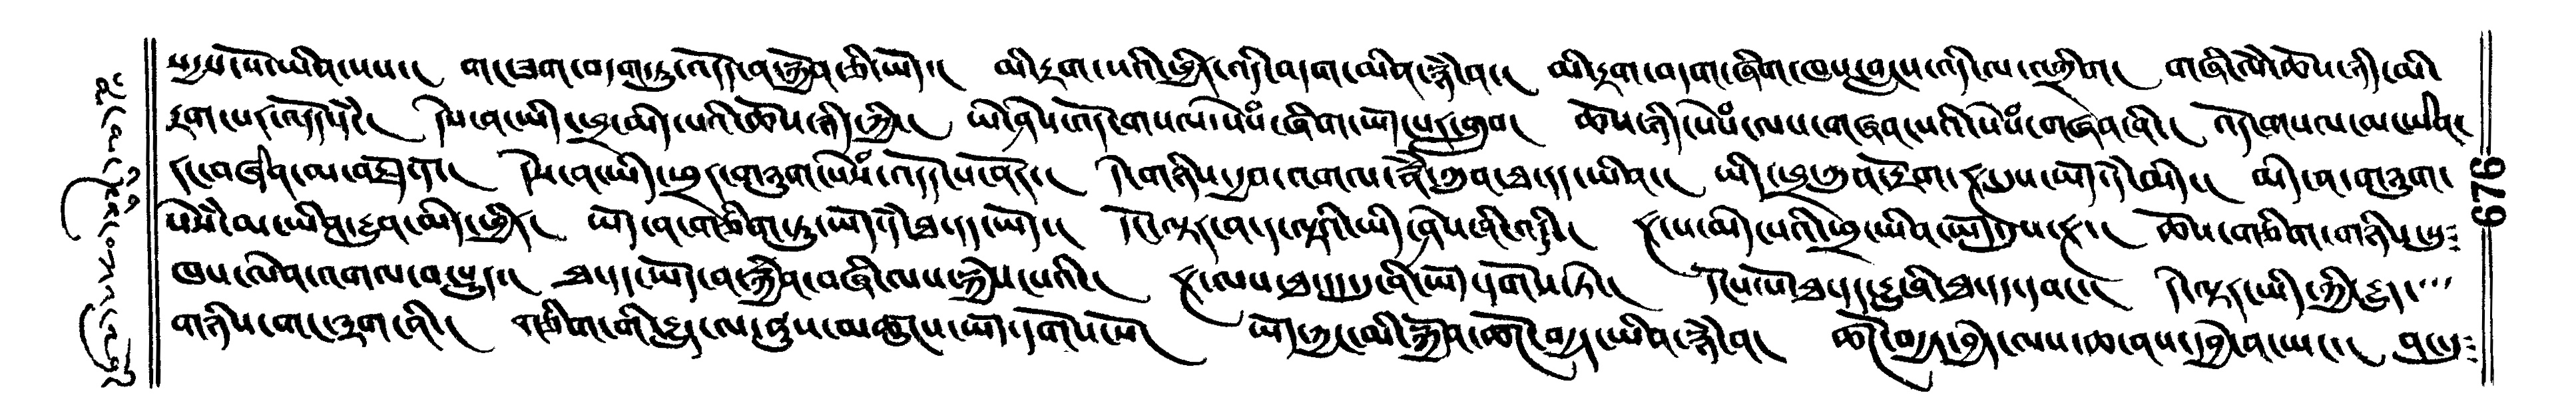སངས་རྒྱས་པོ་ཡིན་པས། །གང་ཟག་བདག་ཏུ་འདོད་ན་སྐྱོན་ཅི་ཡོད། །མི་རྟག་པའི་ཕྱིར་འདི་བདག་མིན་སྙམ་ན། །མི་རྟག་བདག་ཞིག་ཁས་བླངས་འདི་ལ་འགྲིག །གཞི་ལམ་ཆོས་ཉིད་མི་
རྟག་པར་འདོད་དམ། །དེས་ན་ཡིད་ཕྲ་མེད་པའི་ཆོས་ཉིད་ཀྱི། །ཡེ་ཤེས་འོད་གསལ་སེམས་ཞིག་ཡོད་པར་གྲུབ། །ཆོས་ཉིད་སེམས་ལས་གཞན་པའི་སེམས་གཞན་ནི། །འོད་གསལ་མ་ཡིན་
རང་བཞིན་མ་བརྗོད་དོ། །དེས་ན་ཡིད་ཕྲར་གཉུག་སེམས་འདོད་པ་ནོར། །དེ་གཉིས་རྒྱབ་འགལ་རྣམ་ཀུན་ཐ་དད་ཡིན། །ཡིད་ཕྲ་ཀུན་རྟོག་རགས་དུས་ཡོད་དམ་མེད། །མེད་ན་གཉུག་
སེམས་མ་ཡིན་རྒྱུན་མེད་ཕྱིར། །ཡོད་ན་གཅིག་ཏུ་ཡོད་དམ་ཐ་དད་ཡོད། །དང་པོ་ལྟར་ན་ད་ལྟའི་ཡིད་ཤེས་འདི། །རགས་པ་མེད་པའི་ཕྲ་ཡིན་ཡོད་དུས་རགས། །ཆོས་གཅིག་གཉིས་སུ་
ཁས་ལེན་འགལ་བ་སྡུད། །ཐ་དད་ཡོད་ན་རྐྱེན་བཞི་ལས་སྐྱེས་པའི། །རགས་ལས་ཐ་དད་དུ་ནི་ཡོད་དགོས་ཏེ། །དངོས་པོ་ཐ་དད་རྒྱུ་ནི་ཐ་དད་དབང་། །དེ་ལྟར་ཡིད་ཀྱི་རྒྱུད་
གཉིས་གང་ཟག་ནི། །གཅིག་གི་རྒྱུད་ལ་ནུས་མཚུངས་ཡོད་དགོས་སོ། །ཡོད་ཀྱང་མི་སྐྱོན་ཚོགས་བརྒྱད་ཡིན་སྙམ་ན། །ཚོགས་བརྒྱད་བྱེད་ལས་ཆ་ནས་དབྱེ་ན་ཡང་། །ནང་དུ་